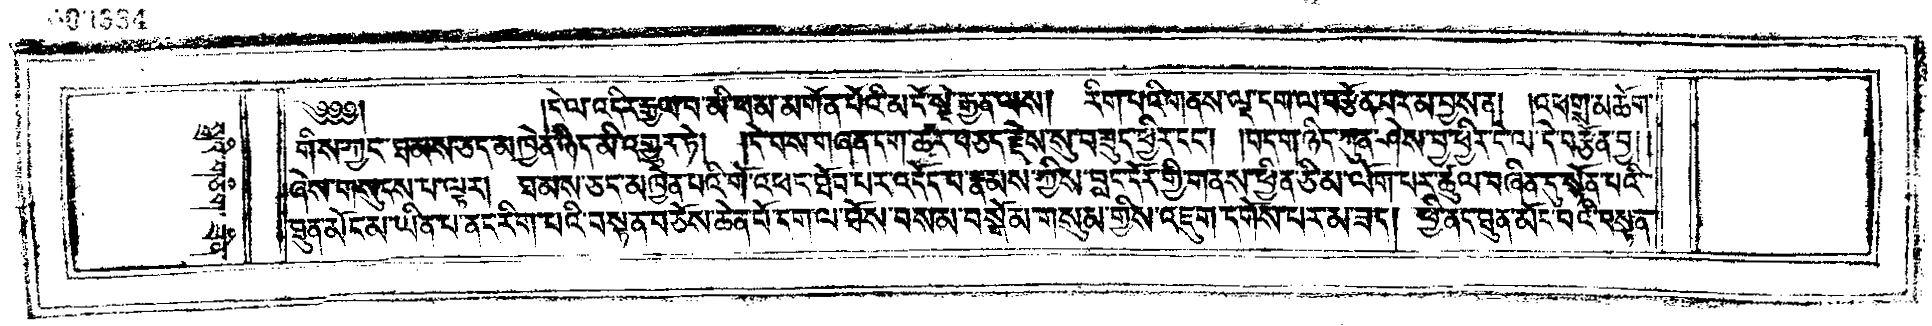༄༅༅། །དེ་ལ་འདིར་རྒྱལ་བ་མི་ཕམ་མགོན་པོའི་མདོ་སྡེ་རྒྱན་ལས། རིག་པའི་གནས་ལྔ་དག་ལ་བརྩོན་པར་མ་བྱས་ན། །འཕགས་མཆོག་
གིས་ཀྱང་ཐམས་ཅད་མཁྱེན་ཉིད་མི་འགྱུར་ཏེ། །དེ་བས་གཞན་དག་ཚར་བཅད་རྗེས་སུ་བཟུང་ཕྱིར་ངང་། །བདག་ཉིད་ཀུན་ཤེས་བྱ་ཕྱིར་དེ་ལ་དེ་བརྩོན་བྱ། །
ཞེས་གསུངས་པ་ལྟར། ཐམས་ཅད་མཁྱེན་པའི་གོ་འཕང་ཐོབ་པར་འདོད་པ་རྣམས་ཀྱིས་བླང་དོར་གྱི་གནས་ཕྱིན་ཅི་མ་ལོག་པར་ཚུལ་བཞིན་དུ་སྟོན་པའི་
ཐུན་མོང་མ་ཡིན་པ་ནང་རིག་པའི་བསྟན་བཅོས་ཆེན་པོ་དག་ལ་ཐོས་བསམ་བསྒོམ་གསུམ་གྱིས་འཇུག་དགོས་པར་མ་ཟད། ཕྱི་ནང་ཐུན་མོང་བའི་བསྟན་